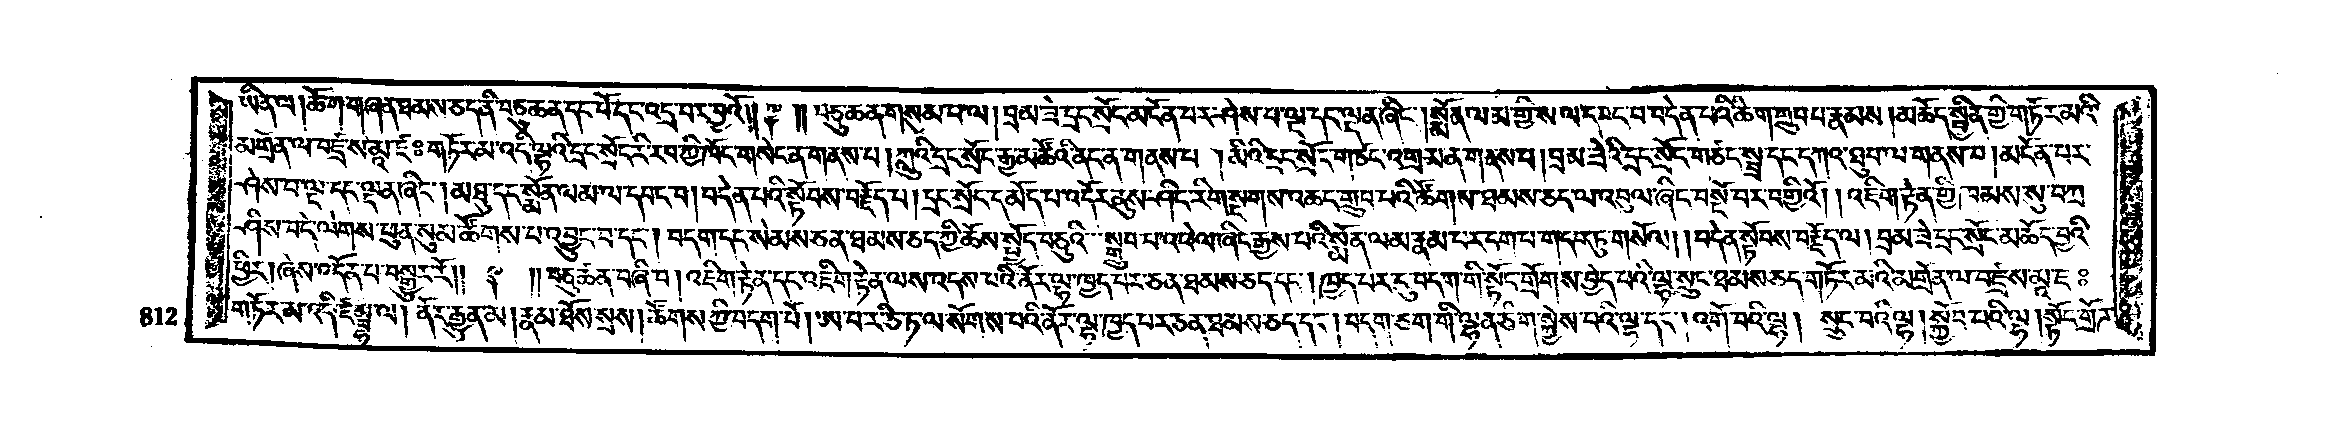ཡིན་ལ། ཆོ་ག་གཞན་ཐམས་ཅད་ནི་བཅུ་ཚན་དང་པོ་དང་འདྲ་བར་བྱའོ།། ༈ །།བཅུ་ཚན་གསུམ་པ་ལ། བྲམ་ཟེ་དྲང་སྲོང་མངོན་པར་ཤེས་པ་ལྔ་དང་ལྡན་ཞིང་། སྨོན་ལམ་གྱི་ས་ལ་དབང་བ་བདེན་པའི་ཚིག་གྲུབ་པ་རྣམས། མཆོད་སྦྱིན་གྱི་གཏོར་མའི་
མགྲོན་ལ་བཛྲ་ས་མཱ་ཛཿ གཏོར་མ་འདི་ལྷའི་དྲང་སྲོང་རི་རབ་ཀྱི་ཁོང་གསེང་ན་གནས་པ། ཀླུའི་དྲང་སྲོང་རྒྱ་མཚོའི་ནང་ན་གནས་པ། མིའི་དྲང་སྲོང་གཙང་འགྲམ་ན་གནས་པ། བྲམ་ཟེའི་དྲང་སྲོང་གཙང་སྦྲ་དང་དཀའ་ཐུབ་ལ་གནས་བ། མངོན་པར་
ཤེས་པ་ལྔ་དང་ལྡན་ཞིང་། མཐུ་དང་སྨོན་ལམ་ལ་དབང་བ། བདེན་པའི་སྟོབས་བརྗོད་པ། དྲང་སྲོང་དམོད་པ་འདོར་ནུས་ཤིང་རིག་སྔགས་འཆད་གྲུབ་པའི་ཚོགས་ཐམས་ཅད་ལ་འབུལ་ཞིང་བསྔོ་བར་བགྱིའོ། །འཇིག་རྟེན་གྱི་ཁམས་སུ་བཀྲ་
ཤིས་བདེ་ལེགས་ཕུན་སུམ་ཚོགས་པ་འབྱུང་བ་དང་། བདག་དང་སེམས་ཅན་ཐམས་ཅད་ཀྱི་ཆོས་སྤྱོད་བཅུའི་སྒྲུབ་པ་འཕེལ་ཞིང་རྒྱས་པའི་སྨོན་ལམ་རྣམ་པར་དག་པ་གདབ་ཏུ་གསོལ། །བདེན་སྟོབས་བརྗོད་ལ། བྲམ་ཟེ་དྲང་སྲོང་མཆོད་བྱའི་
ཕྱིར། ཞེས་འདེན་པ་བསྒྱུར་རོ།། ༈ །།བཅུ་ཚན་བཞི་བ། འཇིག་རྟེན་དང་འཇིག་རྟེན་ལས་འདས་པའི་ནོར་ལྷ་ཁྱད་པར་ཅན་ཐམས་ཅད་དང་། ཁྱད་པར་དུ་བདག་གི་སྟོང་གྲོགས་བྱེད་པའི་ལྷ་སྲུང་ཐམས་ཅད་གཏོར་མའི་མགྲོན་ལ་བཛྲ་ས་མཱ་ཛཿ
གཏོར་མ་འདི་ཛམྦྷ་ལ། ནོར་རྒྱུན་མ། རྣམ་ཐོས་སྲས། ཚོགས་ཀྱི་བདག་པོ། ཨ་པ་ར་ཙི་ཏ་ལ་སོགས་པའི་ནོར་ལྷ་ཁྱད་པར་ཅན་ཐམས་ཅད་དང་། བདག་ཅག་གི་ལྷན་ཅིག་སྐྱེས་པའི་ལྷ་དང་། འགོ་བའི་ལྷ། སྲུང་བའི་ལྷ། སྐྱོབ་པའི་ལྷ། སྟོང་གྲོགས་